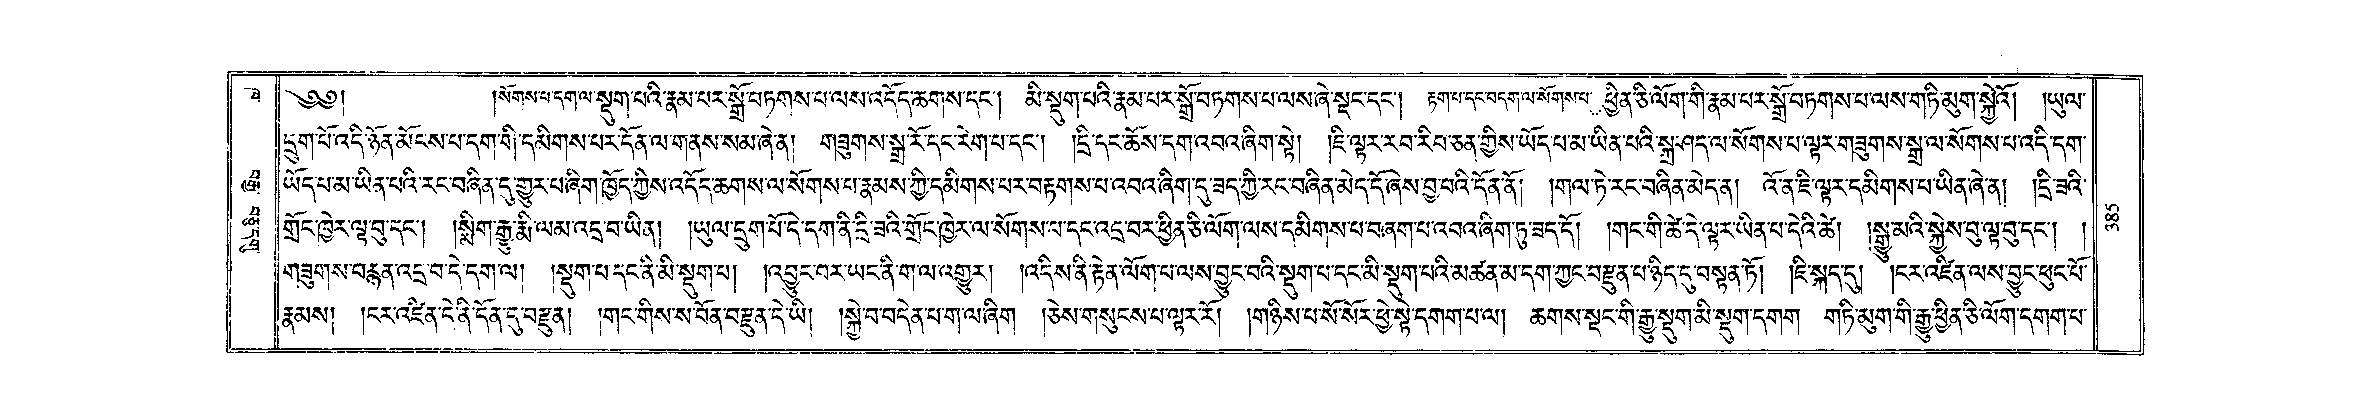༄༅། །སོགས་པ་དག་ལ་སྡུག་པའི་རྣམ་པར་སྒྲོ་བཏགས་པ་ལས་འདོད་ཆགས་དང་། མི་སྡུག་པའི་རྣམ་པར་སྒྲོ་བཏགས་པ་ལས་ཞེ་སྡང་དང་། རྟག་པ་དང་བདག་ལ་སོགས་པ་ཕྱིན་ཅི་ལོག་གི་རྣམ་པར་སྒྲོ་བཏགས་པ་ལས་གཏི་མུག་སྐྱེའོ། །ཡུལ་
དྲུག་པོ་འདི་ཉོན་མོངས་པ་དག་གི་དམིགས་པར་དོན་ལ་གནས་སམ་ཞེ་ན། གཟུགས་སྒྲ་རོ་དང་རེག་པ་དང་། །དྲི་དང་ཆོས་དག་འབའ་ཞིག་སྟེ། །ཇི་ལྟར་རབ་རིབ་ཅན་གྱིས་ཡོད་པ་མ་ཡིན་པའི་སྐྲ་ཤད་ལ་སོགས་པ་ལྟར་གཟུགས་སྒྲ་ལ་སོགས་པ་འདི་དག་
ཡོད་པ་མ་ཡིན་པའི་རང་བཞིན་དུ་གྱུར་པ་ཞིག་ཁྱོད་ཀྱིས་འདོད་ཆགས་ལ་སོགས་པ་རྣམས་ཀྱི་དམིགས་པར་བརྟགས་པ་འབའ་ཞིག་དུ་ཟད་ཀྱི་རང་བཞིན་མེད་དོ་ཞེས་བྱ་བའི་དོན་ནོ། །གལ་ཏེ་རང་བཞིན་མེད་ན། འོ་ན་ཇི་ལྟར་དམིགས་པ་ཡིན་ཞེ་ན། །དྲི་ཟའི་
གྲོང་ཁྱེར་ལྟ་བུ་དང་། །སྨིག་རྒྱུ་རྨི་ལམ་འདྲ་བ་ཡིན། །ཡུལ་དྲུག་པོ་དེ་དག་ནི་དྲི་ཟའི་གྲོང་ཁྱེར་ལ་སོགས་པ་དང་འདྲ་བར་ཕྱིན་ཅི་ལོག་ལས་དམིགས་པ་བཞག་པ་འབའ་ཞིག་ཏུ་ཟད་དོ། །གང་གི་ཚེ་དེ་ལྟར་ཡིན་པ་དེའི་ཚེ། །སྒྱུ་མའི་སྐྱེས་བུ་ལྟ་བུ་དང་། །
གཟུགས་བརྙན་འདྲ་བ་དེ་དག་ལ། །སྡུག་པ་དང་ནི་མི་སྡུག་པ། །འབྱུང་བར་ཡང་ནི་ག་ལ་འགྱུར། །འདིས་ནི་རྟེན་ལོག་པ་ལས་བྱུང་བའི་སྡུག་པ་དང་མི་སྡུག་པའི་མཚན་མ་དག་ཀྱང་བརྫུན་པ་ཉིད་དུ་བསྟན་ཏོ། །ཇི་སྐད་དུ། །ངར་འཛིན་ལས་བྱུང་ཕུང་པོ་
རྣམས། །ངར་འཛིན་དེ་ནི་དོན་དུ་བརྫུན། །གང་གིས་ས་བོན་བརྫུན་དེ་ཡི། །སྐྱེ་བ་བདེན་པ་ག་ལ་ཞིག །ཅེས་གསུངས་པ་ལྟར་རོ། །གཉིས་པ་སོ་སོར་ཕྱེ་སྟེ་དགག་པ་ལ། ཆགས་སྡང་གི་རྒྱུ་སྡུག་མི་སྡུག་དགག་གཏི་མུག་གི་རྒྱུ་ཕྱིན་ཅི་ལོག་དགག་པ་